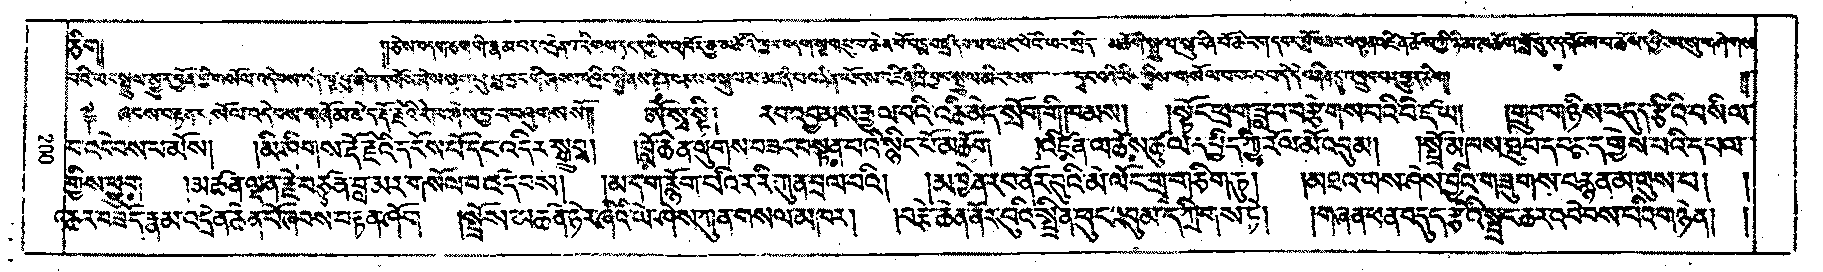ཅིག ། །།ཅེས་བདག་ཅག་གི་རྣམ་པར་འདྲེན་པ་རིགས་དང་དཀྱིལ་འཁོར་རྒྱ་མཚོའི་ཁྱབ་བདག་སྟག་ཕུ་བ་ཆེན་པོ་པདམ་བཛྲ་དཔལ་བཟང་པོའི་ཡང་སྲིད་མཆོག་གི་སྤྲུལ་སྐུ་རིན་པོ་ཆེ་ངག་དབང་བློ་བཟང་བསྟན་འཛིན་ཆོས་ཀྱི་ཉི་མ་མཆོག་གློ་བུར་དགོངས་པ་ཆོས་དབྱིངས་སུ་གཤེགས་
པའི་ཡང་སྤྲུལ་མྱུར་བྱོན་གྱི་གསོལ་འདེབས་འདི་ལྟ་བུ་ཞིག་དགོས་ཞེས་སྟག་ཕུ་བླ་བྲང་གི་ཞབས་འབྲིང་སྤྱི་ནས་རྟེན་བཅས་བསྐུལ་མ་མཛད་པ་བཞིན་ཡོངས་འཛིན་ཁྲི་བྱང་སྤྲུལ་མིང་པས་དྭང་བའི་ཡིད་ཀྱིས་གསོལ་བ་བཏབ་པ་དེ་དེ་བཞིན་དུ་འགྲུབ་པར་གྱུར་ཅིག ། །།
༈ ཞབས་བརྟན་གསོལ་འདེབས་གཞོམ་མེད་རྡོ་རྗེའི་རེ་ཁ་ཞེས་བྱ་བ་བཞུགས་སོ། །ཨོཾ་སྭ་སྟི། རབ་འབྱམས་རྒྱལ་བའི་འཆི་མེད་སྲོག་གི་ཁམས། །སྟོང་ཕྲག་ཟླ་བ་རྩེགས་པའི་བི་ཛ་ཡ། །གྲུབ་གཉིས་བདུད་རྩིའི་བསིལ་
བ་འབེབས་པ་མོས། །མི་ཤིགས་རྡོ་རྗེའི་དངོས་པོ་དེང་འདིར་སྒྲུབས། །བློ྾་ཆེན་ལུགས་བཟང྾་བསྟན྾་པའི་སྙིང་པོ་མཆོག །འཛིན྾་ལ་ཆོས྾་ཚུལ་དཔྱིད་ཀྱི྾་རོལ་མོ་འབུམ། །སྤྲོ་མཁས་ཐུབ་དབང྾་དགྱེས་པའི་དཔལ་
གྱིས་ཕྱུག྾་།མཚན་ལྡན་རྗེ་བཙུན་བླ་མར་གསོལ་བ་འདེབས། །མ་དག་རྙོག་པའི་ར་རི་ཀུན་བྲལ་བའི། །མཁྱེན་རབ་ནོར་བུའི་མེ་ལོང་གྲྭ་གཅིག་ཏུ། །མཐའ་ཡས་ཤེས་བྱའི་གཟུགས་བརྙན་མ་ལུས་པ། །
འཆར་བཟོད་རྣམ་འདྲེན་ཆེན་པོ་ཞབས་བརྟན་ཤོག །སྤྲོས་མཚན་ཉེར་ཞིའི་ཡེ་ཤེས་ཀུན་གསལ་མཁར། །བརྩེ་ཆེན་ནོར་བུའི་སྤྲིན་ཕུང་འབུམ་དཀྲིགས་ཏེ། །གཞན་ཕན་བདུད་རྩིའི་སྦྲང་ཆར་འབེབས་པའི་གཉེན། །